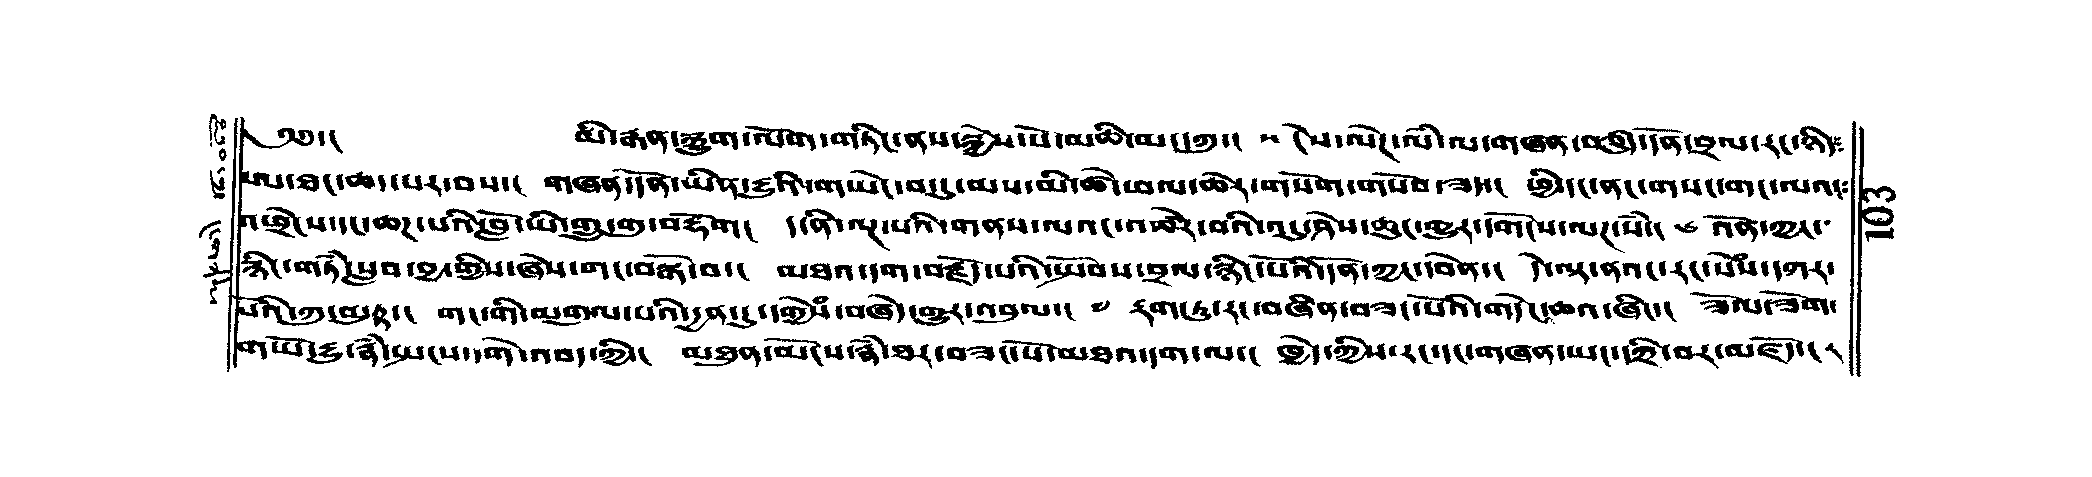མི་རྒན་སྐྱུགས་ལོག་གཏིང་ནས་སྐྱེས་སོ་མཆི་མ་དཀུ། །ངེས་ལེགས་ལམ་ལ་གཞན་བཙུད་དོན་བྲལ་རང་ཉིད་
ཨ་ཐང་ཆད་པར་བས། །གཞན་དོན་ཡིན་རྒྱུའི་གཡེང་བ་དུ་མས1$1000220་མི་ཚད་ཕལ་ཆེར་གསོག་གསོབ་ཟད། །ཕྱི་དང་ནང་གསང་གང་ལའང་
འཕྲེང་དང་ཆགས་པའི་བློ་ཡི་གྲུ་གུ་བརྡོག །ད་ནི་ལྔ་པའི་གནས་ལའང་འཚེར་བའི་འདུ་ཤེས་ཆུང་གྱུར་དགོངས་ལགས་སམ། །འོན་ཀྱང་
སྙིང་གཏམ་བསླབ་བྱ་གྱིས་ཞེས་གང་བསྒོ་བ། །མཐའ་དག་བརྗོད་པའི་སྤོབས་བྲལ་སྙིང་པོའི་དོན་ཀྱང་དབེན། །དེ་ལྟ་ནའང་རང་སེམས་དཀར་
པོའི་ཀུ་མུཏྟ། །གང་གི་མགུལ་བའི་རྒྱན་དུ་དགྱེས་སེམས་བཞེད་འགྱུར་འབུལ། །རྟག་ཏུ་རང་བཞིན་བཟང་པོའི་གདེངས་འཆའ་ཞིང་། །ཟོལ་ཟོག་
གཡོ་རྒྱུ་རྣམས་སྤངས་དགེ་འབད་ཀྱི། །ཐུན་མོངས་རྣམ་ཐར་བཟང་པོ་མཐའ་དག་ལ། །ཁྱེད་ཀྱི་རང་དང་གཞན་ཡང་དཀྲི་བར་མཛོད། །